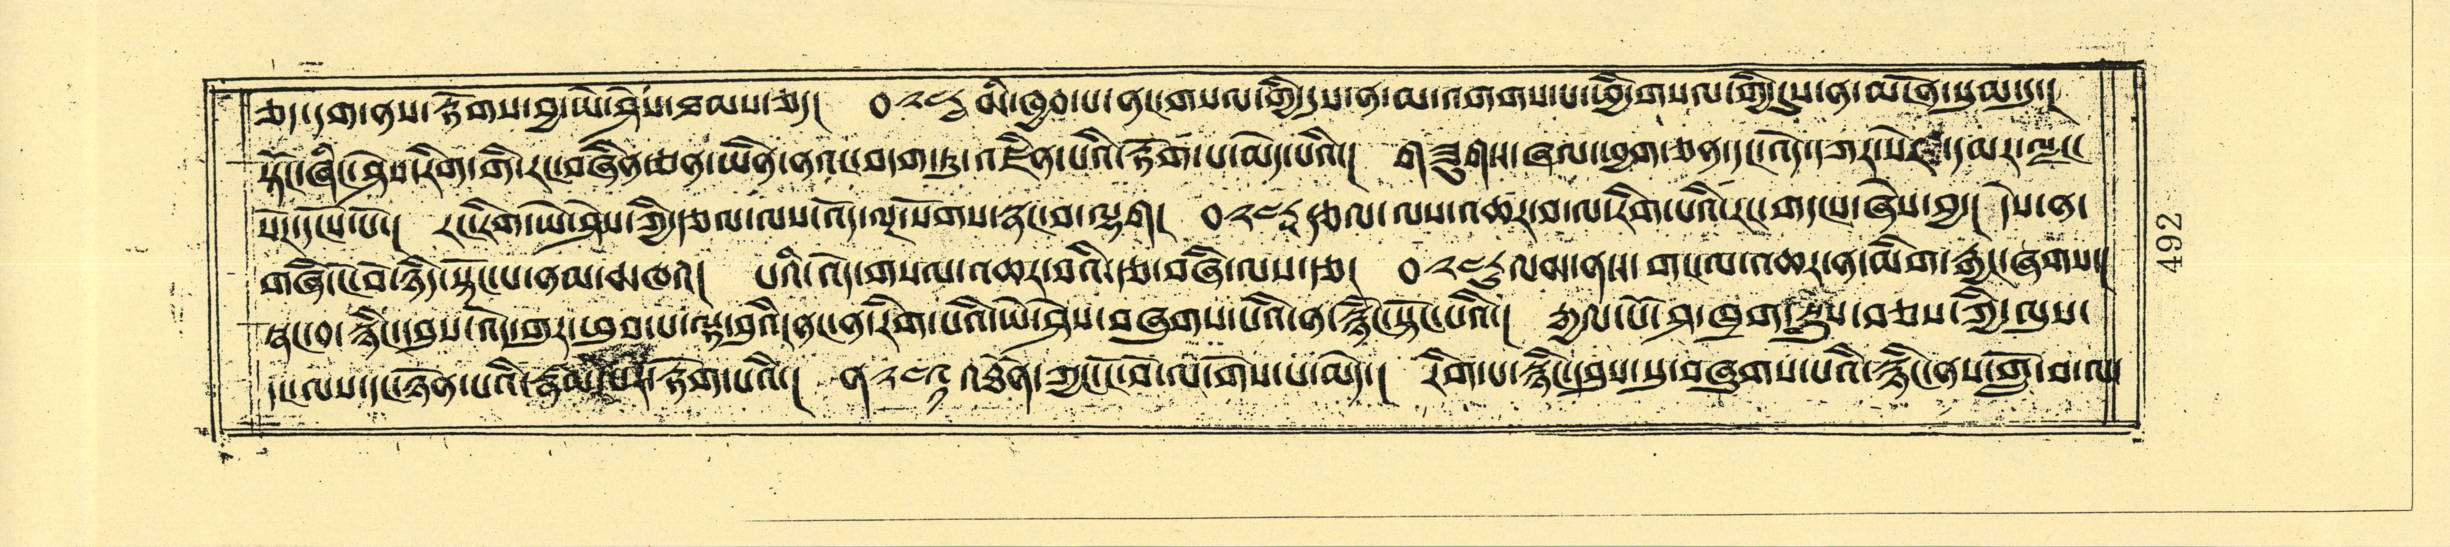ཅད་དག་ནས་རྟོགས་བྱ་ཡེ་ཤེས་ཐམས་ཅད་བ༢༤༨།༤༼མི་ཁྱབ་པ༽ནང་གསལ་གྱི་དུས་ན་མ་འགག་པ་ཕྱི་གསལ་གྱི་དུས་ན་མངོན་སུམ་དུ་
༼སྟོང་ཞིང༽ཤེས་རིག་གི་རང་བཞིན་ཅན་ཡིན་ནའང་བདག་ཏུ་འཛིན་པའི་རྟོག་པ་མེད་པའི་༼གཟུགས༽ཞལ་ཕྱག་ཅན་དང་འོད་དཀར་སེར་དམར་ལྗང་
སོགས་དངོས་པོ། རང་རིག་ཡེ་ཤེས་ཀྱི་རྩལ་ལས་འོད་ལྔ་སོགས་སྣང་བ་༼ལྷག༽བ༢༤༨།༥༼རྩལ༽ལས་འཆར་བ་ལ་རིག་པའི་རང་གདངས་ཞེས་བྱ། དེས་ན་
གཞི་ངོ་བོ་ཉིད་སྟོང་པ་༼ནམ་མཁའ༽༼པའི༽འོད་གསལ་འཆར་བའི་རྩ་བཞི་ལས་རྩ་བ༢༤༨།༦༼ལམ་ནས༽གང་ལ་འཆར་བའི་མིག་རྒྱང་ཞགས་
སྣང་བ་སྙིང་དབུས་འོད་གུར་ཕུབས་པ་ལྟ་བུའི་ནང་ན་རིག་པའི་ཡེ་ཤེས་བཞུགས་པས་ན་སྙིང་པོ་སྟོང་པའི། རྒྱལ་པོ་ཤ་ཁྲག་རུས་བཅས་ཀྱི་ལུས་
དང་ལས་དང་ཉོན་མོངས་པའི་རྣམ་པར་རྟོག་པའི། ན༢༤༩།༡འཐོན་ཀྱང་ངོ་བོ་ལ་གོས་པ་མེད། རིག་པ་སྙིང་དབུས་སུ་བཞུགས་པའི་སྙིང་ནས་གློ་བ་ལ་